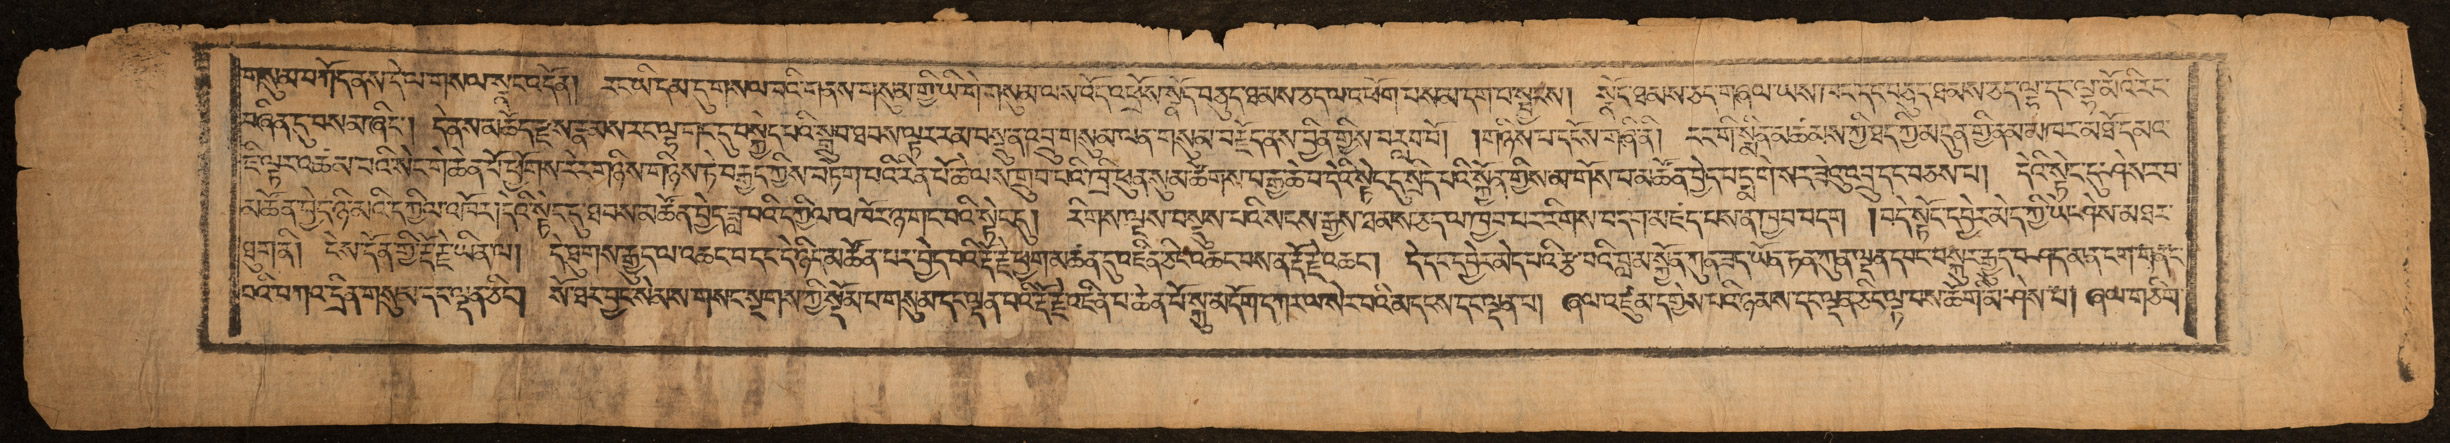གསུམ་བཀོད་ནས་དེ་ལ་གསལ་སྣང་འདོན། རང་ཡི་དམ་དུ་གསལ་བའི་གནས་གསུམ་གྱི་ཡི་གེ་གསུམ་ལས་འོད་འཕྲོས་སྣོད་བཅུད་ཐམས་ཅད་ལ་འཕོག་པས་མ་དག་བ་སྦྱངས། སྣོད་ཐམས་ཅད་གཞལ་ཡས་ཁང་དང་བཅུད་ཐམས་ཅད་ལྷ་དང་ལྷ་མོའི་རང་
བཞིན་དུ་བསམ་ཞིང་། དེ་ནས་མཆོད་རྫས་རྣམས་རང་ལྷ་གང་དུ་བསྐྱེད་པའི་སྒྲུབ་ཐབས་ལྟར་རམ་བསྡུ་ན་འབྲུ་གསུམ་ལན་གསུམ་བརྗོད་ནས་བྱིན་གྱིས་བརླབ་པོ། །གཉིས་པ་དངོས་གཞི་ནི། རང་གི་སྨིན་མཚམས་ཀྱི་ཐད་ཀྱི་མདུན་གྱི་ནམ་མཁར་མཐོད་མའ་
ཇི་ལྟར་འཚམ་པའི་སེང་གེ་ཆེན་པོ་ཕྱོགས་རེར་གཉིས་གཉིས་ཏེ་བརྒྱད་ཀྱིས་བཏེག་པའི་རིན་པོ་ཆེ་ལས་གྲུབ་པའི་ཁྲི་ཕུན་སུམ་ཚོགས་པ་རྒྱ་ཆེ་བ་དེའི་སྟེང་དུ་སྲིད་པའི་སྐྱོན་གྱིས་མ་གོས་པ་མཚོན་བྱེད་པདམ་གེ་སར་ཟེའུ་འབྲུ་དང་བཅས་པ། དེའི་སྟེང་དུ་ཤེས་རབ་
མཚོན་བྱེད་ཉི་མའི་དཀྱིལ་འཁོར་།དེའི་སྟེང་དུ་ཐབས་མཚོན་བྱེད་ཟླ་བའི་དཀྱིལ་འཁོར་ཉ་གང་བའི་སྟེང་དུ། རིགས་ལྔས་བསྡུས་པའི་སངས་རྒྱས་ཐམས་ཅད་ལ་ཁྱབ་པར་རིགས་བདག་མཛད་པས་ན་ཁྱབ་བདག །བདེ་སྟོང་དབྱེར་མེད་ཀྱི་ཡེ་ཤེས་མཐར་
ཐུག་ནི། ངེས་དོན་གྱི་རྡོ་རྗེ་ཡིན་ལ། དེ་ཐུགས་རྒྱུད་ལ་འཆང་བ་དང་དེ་ཉིད་མཚོན་པར་བྱེད་བའི་རྡོ་རྗེ་ཕྱག་མཚན་དུ་འཛིན་ཅིང་འཆང་པས་ན་རྡོ་རྗེ་འཆང་། དེ་དང་དབྱེར་མེད་པའི་རྩ་བའི་བླ་མ་སྐྱོན་ཀུན་ཟད་ཡོན་ཏན་ཀུན་ལྡན་དབང་བསྐུར་རྒྱུད་བཤད་མན་ངག་གནང་
བའི་བཀའ་དྲིན་གསུམ་དང་ལྡན་ཅིང་། སོ་ཐར་བྱང་སེམས་གསང་སྔགས་ཀྱི་སྡོམ་པ་གསུམ་དང་ལྡན་ལའི་རྡོ་རྗེ་འཛིན་པ་ཆེན་པོ་སྐུ་མདོག་དཀར་ལ་སེར་བའི་མདངས་དང་ལྡན་པ། ཞལ་འཛུམ་དགྱེས་པའི་ཉམས་དང་ལྡན་ཅིང་ལྟ་བས་ཆོ་གི་མི་ཤེས་པ། ཞལ་གཅིག་